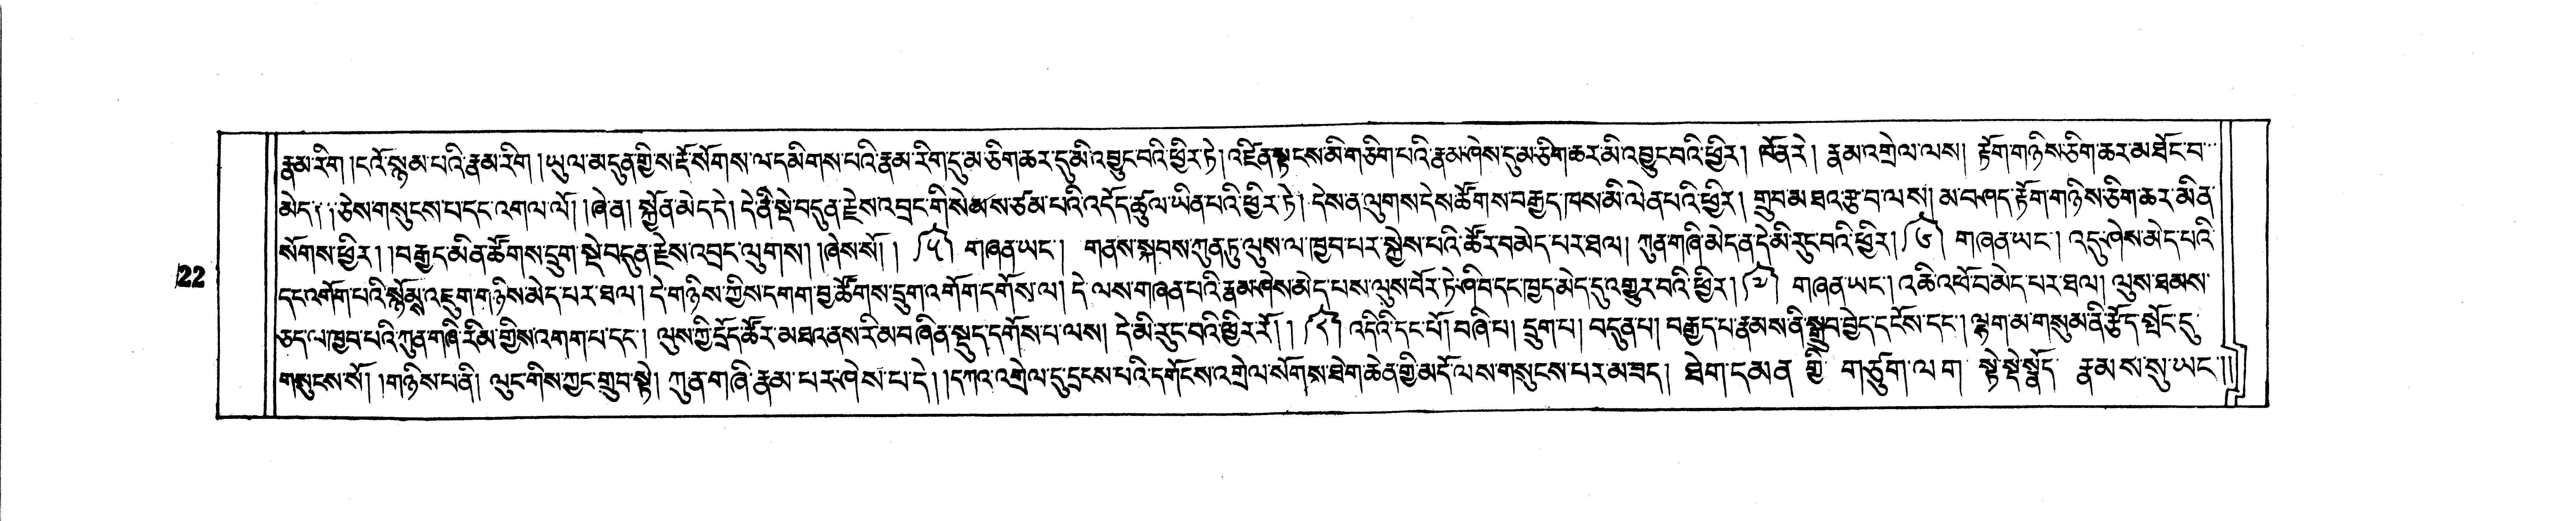རྣམ་རིག །ངའོ་སྙམ་པའི་རྣམ་རིག །ཡུལ་མདུན་གྱི་ས་རྡོ་སོགས་ལ་དམིགས་པའི་རྣམ་རིག་དུ་མ་ཅིག་ཆར་དུ་མི་འབྱུང་བའི་ཕྱིར་ཏེ། འཛིན་སྟངས་མི་གཅིག་པའི་རྣམ་ཤེས་དུ་མ་ཅིག་ཆར་མི་འབྱུང་བའི་ཕྱིར། ཁོ་ན་རེ། རྣམ་འགྲེལ་ལས། རྟོག་གཉིས་ཅིག་ཆར་མཐོང་བ་
མེད༑ ༑ཅེས་གསུངས་པ་དང་འགལ་ལོ། །ཞེ་ན། སྐྱོན་མེད་དེ། དེ་ནི་སྡེ་བདུན་རྗེས་འབྲང་གི་སེམས་ཙམ་པའི་འདོད་ཚུལ་ཡིན་པའི་ཕྱིར་ཏེ། དེས་ན་ལུགས་དེས་ཚོགས་བརྒྱད་ཁས་མི་ལེན་པའི་ཕྱིར། གྲུབ་མཐའ་རྩ་བ་ལས། མ་བཤད་རྟོག་གཉིས་ཅིག་ཆར་མིན་
སོགས་ཕྱིར། །བརྒྱད་མིན་ཚོགས་དྲུག་སྡེ་བདུན་རྗེས་འབྲང་ལུགས། །ཞེས་སོ། །༼༥?་གཞན་ཡང་། གནས་སྐབས་ཀུན་ཏུ་ལུས་ལ་ཁྱབ་པར་སྐྱེས་པའི་ཚོར་བ་མེད་པར་ཐལ། ཀུན་གཞི་མེད་ན་དེ་མི་རུང་བའི་ཕྱིར། ༽༦?་གཞན་ཡང་། འདུ་ཤེས་མེད་པའི་
དང་འགོག་པའི་སྙོམས་འཇུག་གཉིས་མེད་པར་ཐལ། དེ་གཉིས་ཀྱིས་དགག་བྱ་ཚོགས་དྲུག་འགོག་དགོས་ལ། དེ་ལས་གཞན་པའི་རྣམ་ཤེས་མེད་པས་ལུས་བོར་ཏེ་ཤི་བ་དང་ཁྱད་མེད་དུ་འགྱུར་བའི་ཕྱིར། ༧?་གཞན་ཡང་། འཆི་འཕོ་བ་མེད་པར་ཐལ། ལུས་ཐམས་
ཅད་ལ་ཁྱབ་པའི་ཀུན་གཞི་རིམ་གྱིས་འགག་པ་དང་། ལུས་ཀྱི་དྲོད་ཚོར་མཐའ་ནས་རིམ་བཞིན་སྡུད་དགོས་པ་ལས། དེ་མི་རུང་བའི་ཕྱིར་རོ། །༨?་འདིའི་དང་པོ། བཞི་པ། དྲུག་པ། བདུན་པ། བརྒྱད་པ་རྣམས་ནི་སྒྲུབ་བྱེད་དངོས་དང་། ལྷག་མ་གསུམ་ནི་རྩོད་སྤོང་དུ་
གསུངས་སོ། །གཉིས་པ་ནི། ལུང་གིས་ཀྱང་གྲུབ་སྟེ། ཀུན་གཞི་རྣམ་པར་ཤེས་པ་དེ། །དཀའ་འགྲེལ་དུ་དྲངས་པའི་དགོངས་འགྲེལ་སོགས་ཐེག་ཆེན་གྱི་མདོ་ལས་གསུངས་པར་མ་ཟད། ཐེག་དམན་གྱི་གཙུག་ལག་སྟེ་སྡེ་སྣོད་རྣམས་སུ་ཡང།།